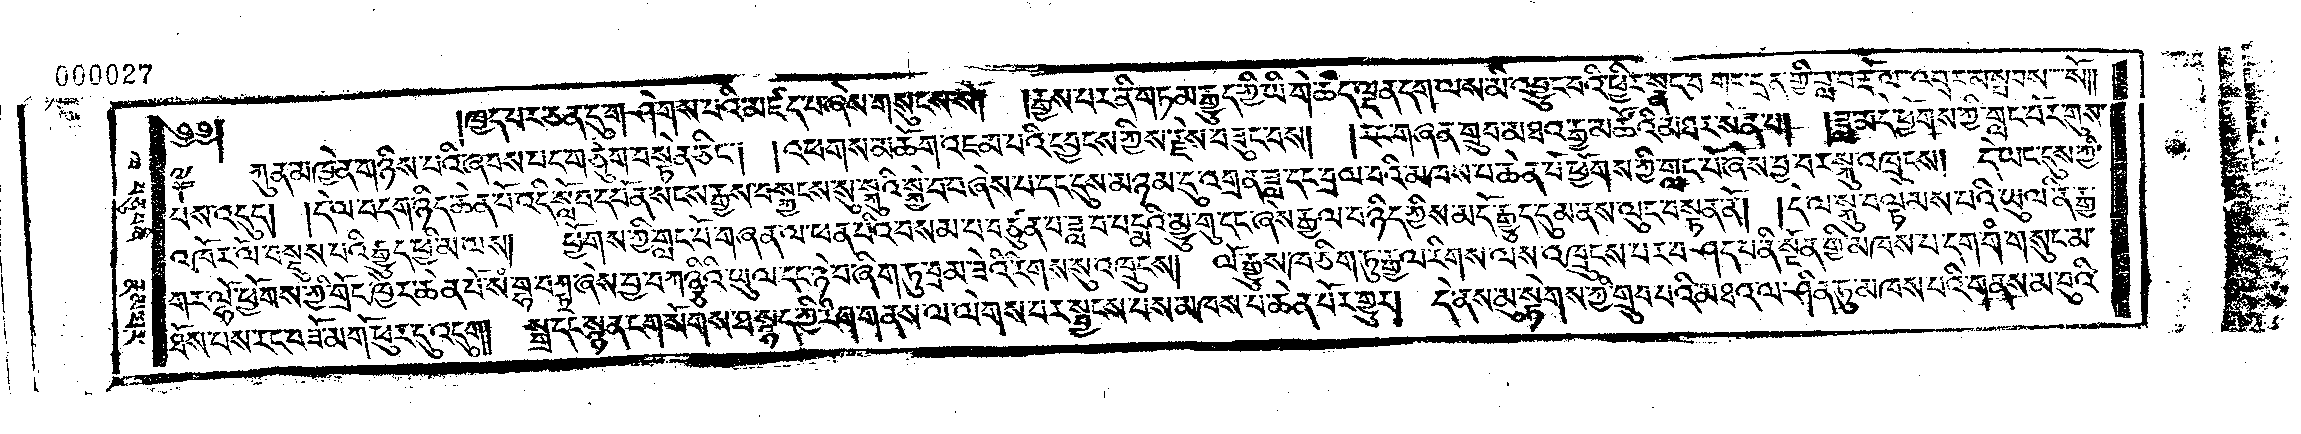༄༅། །ཁྱད་པར་ཅན་དུ་གཤེགས་པའི་མཛད་པ་ཞེས་གསུངས་སོ། །རྒྱས་པར་ནི་གཏམ་རྒྱུད་ཀྱི་ཡི་གེ་ཚད་ལྡན་དག་ལས་མི་འབྱུང་བའི་ཕྱིར་སྣང་བ་གང་དྲན་གྱི་བླ་བརྡོལ་འབྲར་མ་སྤབས་སོ། །
༈ ཀུན་མཁྱེན་གཉིས་པའི་ཞབས་པད་གཙུག་བསྟེན་ཅིང་། །འཕགས་མཆོག་འཇམ་པའི་དབྱངས་ཀྱིས་རྗེས་བཟུང་བས། །རང་གཞན་གྲུབ་མཐའ་རྒྱ་མཚོའི་མཐར་སོན་པ། །ཟླ་མདེ་ཕྱོགས་ཀྱི་གླང་པོར་གུས་
པས་འདུད། །དེ་ལ་བདག་ཉིད་ཆེན་པོ་འདི་སློབ་དཔོན་སངས་རྒྱས་བསྐྱངས་སུ་སྐུའི་སྐྱེ་བ་བཞེས་པ་དང་དུས་མཉམ་དུ་འགྲན་ཟླ་དང་བྲལ་བའི་མཁས་པ་ཆེན་པོ་ཕྱོགས་ཀྱི་གླང་པོ་ཞེས་བྱ་བར་སྐུ་འཁྲུངས། དེ་ཡང་དུས་ཀྱི་
འཁོར་ལོ་བསྡུས་པའི་རྒྱུད་ཕྱི་མ་ལས། ཕྱོགས་ཀྱི་གླང་པོ་གཞན་ལ་ཕན་པའི་བསམ་པ་བཙུན་པ་ཟླ་བ་པདམའི་མྱུ་གུ་དང་ཞེས་རྒྱལ་བ་ཉིད་ཀྱིས་མདོ་རྒྱུད་དུམ་ནས་ལུང་བསྟན་ནོ། །དེ་ལ་སྐུ་བལྟམས་པའི་ཡུལ་ནི་རྒྱ་
གར་ལྷོ་ཕྱོགས་ཀྱི་གྲོང་ཁྱེར་ཆེན་པོ་སཾ་གྷ་བཀྟྲ་ཞེས་བྱ་བ་ཀཉྩིའི་ཡུལ་དང་ཉེ་བ་ཞིག་ཏུ་བྲམ་ཟེའི་རིགས་སུ་འཁྲུངས། ལོ་རྒྱུས་ཁ་ཅིག་ཏུ་རྒྱལ་རིགས་ལས་འཁྲུངས་པར་བཤད་པ་ནི་སྔོན་གྱི་མཁས་པ་དག་གི་གསུང་མ་
ཐོས་པས་རང་བཟོ་མགོ་ཕུར་དུ་འདུག། སྒྲ་དང་སྙན་ངག་སོགས་ཐ་སྙད་ཀྱི་རིག་གནས་ལ་ལེགས་པར་སྦྱངས་པས་མཁས་པ་ཆེན་པོར་གྱུར། དེ་ནས་མུ་སྟེགས་ཀྱི་གྲུབ་པའི་མཐའ་ལ་ཤིན་ཏུ་མཁས་པའི་གནས་མ་བུའི་